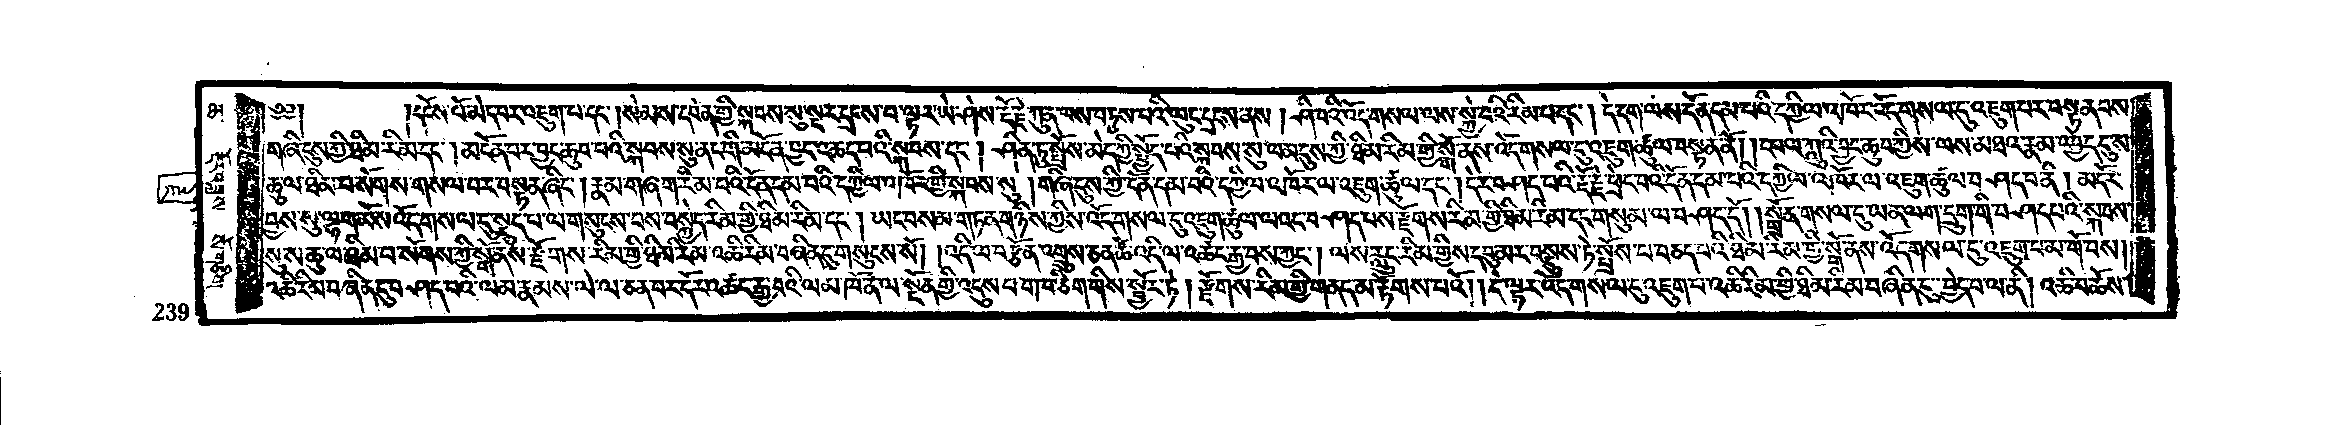༄༅། །དངོས་པོ་མེད་པར་འཇུག་པ་དང་། སེམས་དབེན་གྱི་སྐབས་སུ་སྔར་དྲངས་པ་ལྟར་ཡེ་ཤེས་རྡོ་རྗེ་ཀུན་ལས་བཏུས་པའི་ལུང་དྲངས་ནས། ཤི་བའི་འོད་གསལ་ལས་སྐྱེ་བའི་རིམ་པ་དང་། དེ་དག་ལས་དོན་དམ་པའི་དཀྱིལ་འཁོར་འོད་གསལ་དུ་འཇུག་པར་བསྟན་པས་
གཞི་དུས་ཀྱི་ཐིམ་རིམ་དང་། མངོན་པར་བྱང་ཆུབ་པའི་སྐབས་སུ་ནང་གི་མངོན་བྱང་འཆད་པའི་སྐབས་དང་། ཤིན་ཏུ་སྤྲོས་མེད་ཀྱི་སྤྱོད་པའི་སྐབས་སུ་ལམ་དུས་ཀྱི་ཐིམ་རིམ་གྱི་སྒོ་ནས་འོད་གསལ་དུ་འཇུག་ཚུལ་བསྟན་ནོ། །དཔལ་ཀླུའི་བྱང་ཆུབ་ཀྱིས་ལས་མཐའ་རྣམ་འབྱེད་དུ་ས་
ཆུ་ལ་ཐིམ་པ་སོགས་གསལ་བར་བསྟན་ཞིང་། རྣམ་གཞག་རིམ་པའི་དོན་དམ་པའི་དཀྱིལ་འཁོར་གྱི་སྐབས་སུ། གཞི་དུས་ཀྱི་དོན་དམ་པའི་དཀྱིལ་འཁོར་ལ་འཇུག་ཚུལ་དང་། དེར་བཤེད་པའི་རྡོ་རྗེ་ཕྲེང་བའི་དོན་དམ་པའི་དཀྱིལ་འཁོར་ལ་འཇུག་ཚུལ་བཤད་པ་ནི། མདོར་
བྱས་སུ་ལྷག་མོས་འོད་གསལ་དུ་སྡུད་པ་ལ་གསུངས་པས་བསྐྱེད་རིམ་གྱི་ཐིམ་རིམ་དང་། ཡང་བསམ་གཏན་གཉིས་ཀྱིས་འོད་གསལ་དུ་འཇུག་ཚུལ་ལའང་བཤད་པས་རྫོགས་རིམ་གྱི་ཐིམ་རིམ་དང་གསུམ་ལ་བཤད་དོ། །སྒྲོན་གསལ་དུ་ཡན་ལག་དྲུག་གེ་བཤད་པའི་སྐབས་
སུ་ས་ཆུ་ལ་ཐིམ་པ་སོགས་ཀྱི་སྒོ་ནས་རྫོགས་རིམ་གྱི་ཐིམ་རིམ་འཆི་རིམ་བཞིན་དུ་གསུངས་སོ། །འདི་ལ་བརྩོན་འགྲུས་ཅན་ཚེ་འདི་ལ་འཚང་རྒྱ་བས་ཀྱང་། ལས་རླུང་རིམ་གྱིས་དབུ་མར་བསྡུས་ཏེ་སྤྲོས་པ་བཅད་པའི་ཐིམ་རིམ་གྱི་སྒོ་ནས་འོད་གསལ་དུ་འཇུག་པ་མ་གོ་བས།
འཆི་རིམ་བཞིན་དུ་བཤད་པའི་ལམ་རྣམས་ལེ་ལོ་ཅན་བར་དོར་འཚང་རྒྱ་བའི་ལམ་ཁོ་ན་ལ་སྔོན་གྱི་འདུས་པ་བ་ཁ་ཅིག་གིས་སྦྱོར་ཏེ། རྫོགས་རིམ་གྱི་གནད་མ་རྟོགས་པའོ། །དེ་ལྟར་འོད་གསལ་དུ་འཇུག་པའི་འཆི་རིམ་གྱི་ཐིམ་རིམ་བཞིན་དུ་བྱེད་པ་ལ་ནི། འཆི་བ་ཆོས་